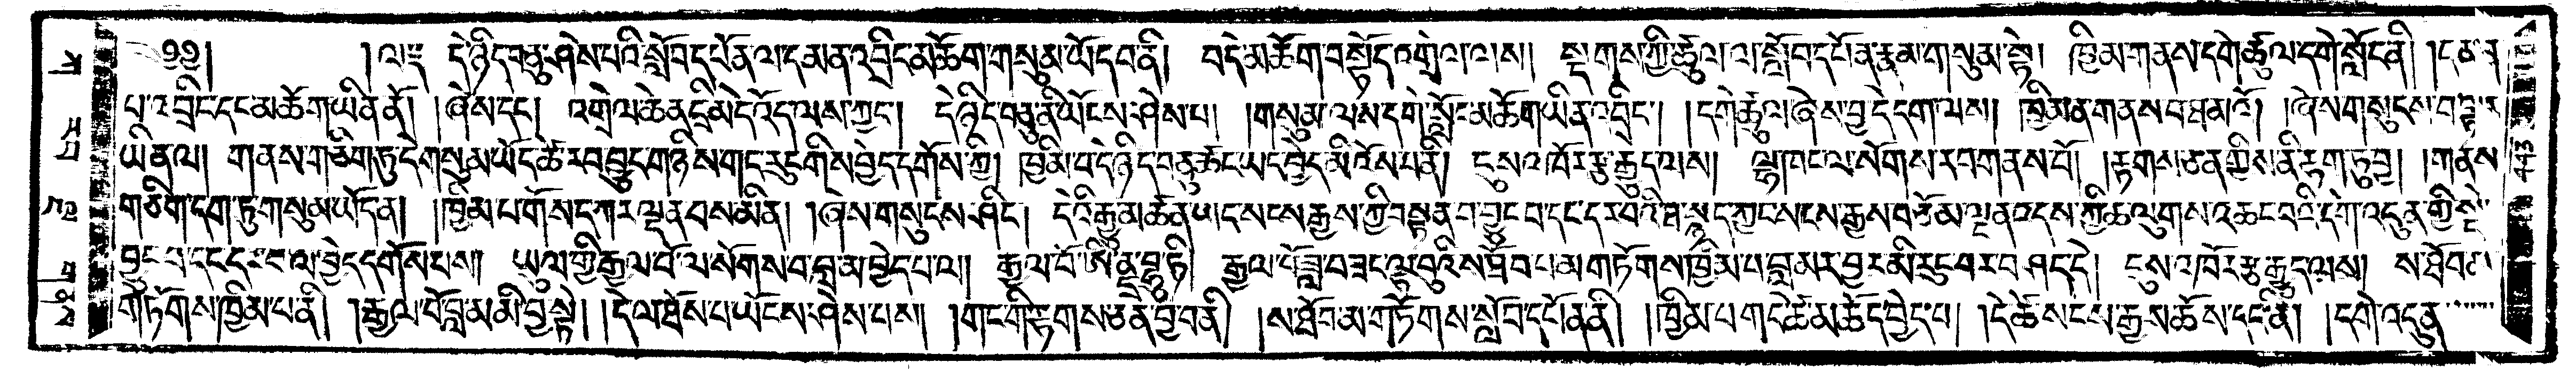༄༅། །ལ། དེ་ཉིད་བཅུ་ཤེས་པའི་སློབ་དཔོན་ལ་དམན་འབྲིང་མཆོག་གསུམ་ཡོད་པ་ནི། བདེ་མཆོག་བསྟོད་འགྲོལ་ལས། སྡགས་ཀྱི་ཚུལ་ལ་སློབ་དཔོན་རྣམ་གསུམ་སྟེ། ཁྱིམ་གནས་དགེ་ཚུལ་དགེ་སློང་ནི། །ངས་ན་
པ་འབྲིང་དང་མཆོག་ཡིན་ནོ། །ཞེས་དང་། འགྲོལ་ཆེན་དྲི་མེད་འོད་ལས་ཀྱང་། དེ་ཉིད་བཅུ་ནི་ཡོངས་ཤེས་པ། །གསུམ་ལས་དགེ་སློང་མཆོག་ཡིན་འབྲིང་། །དགེ་ཚུལ་ཞེས་བྱད་དག་ལས། །བྱི་མན་གནས་བ་ཐ་མའོ། །ཞེས་གསུངས་བ་ལྟར་
ཡིན་ལ། གནས་གཅིག་ཏུ་དེ་གསུམ་ཡོད་ཚེ་རབ་བྱུང་གཉིས་གང་རུང་གིས་བྱེད་དགོས་ཀྱི། །ཁྱིམ་བདེ་ཉིད་བཅུ་ཚང་ཡང་དབྱེད་མི་འོས་པ་ནི། དུས་འཁོར་རྩ་རྒྱུད་ལས། ལྷ་ཁང་ལ་སོགས་རབ་གནས་བོ། །རྟགས་ཅན་གྱིས་ནི་རྟག་ཏུ་བྱ། །གནས་
གཅིག་དག་ཏུ་གསུམ་ཡོད་ན། །ཁྱིམ་པ་གོས་དཀར་ལྡན་བས་མིན། །ཞེས་གསུངས་ཤིང་། དེའི་རྒྱུ་མཚན་ཡང་སངས་རྒྱས་ཀྱི་བསྟན་བ་བྱུང་བ་དང་དར་བའི་ཐ་སྙད་ཀྱང་སངས་རྒྱས་བཅོམ་ལྡན་འདས་ཀྱི་ཆ་ལུགས་འཆང་བའི་དགེ་འདུན་གྱི་སྡེ་
བྱང་པ་དང་དང་ང་ལ་བྱེད་དགོས་པས། ཡུལ་གྱི་རྒྱལ་པོ་ལ་སོགས་བ་བླ་མ་བྱེད་པ། རྒྱལ་པོ་ཨིནྡྲ་བྷུ་ཏི། རྒྱལ་པོ་ཟླ་བཟང་ལྟ་བུའི་ས་ཐོབ་པམ་གཏོགས་ཁྱིམ་པ་བླ་མར་བྱར་མི་རུང་བར་བཤད་དེ། དུས་འཁོར་རྩ་རྒྱུད་ལས། ས་ཐོབས་
གཏོགས་ཁྱིམ་པ་ནི། །རྒྱལ་པོ་བླ་མ་མི་བྱ་སྟེ། །དེ་ལ་ཐོས་པ་ཡོངས་ཤེས་པས། །གང་གི་རྟགས་ཅན་བྱ་བ་ནི། །ས་ཐོབ་མ་གཏོགས་སློབ་དཔོན་ནི། །ཁྱིམ་པ་གང་ཚེ་མཆོད་བྱེད་པ། །དེ་ཆོ་སང་རྒྱས་མཆོས་དང་ནི། །དགེ་འདུན་